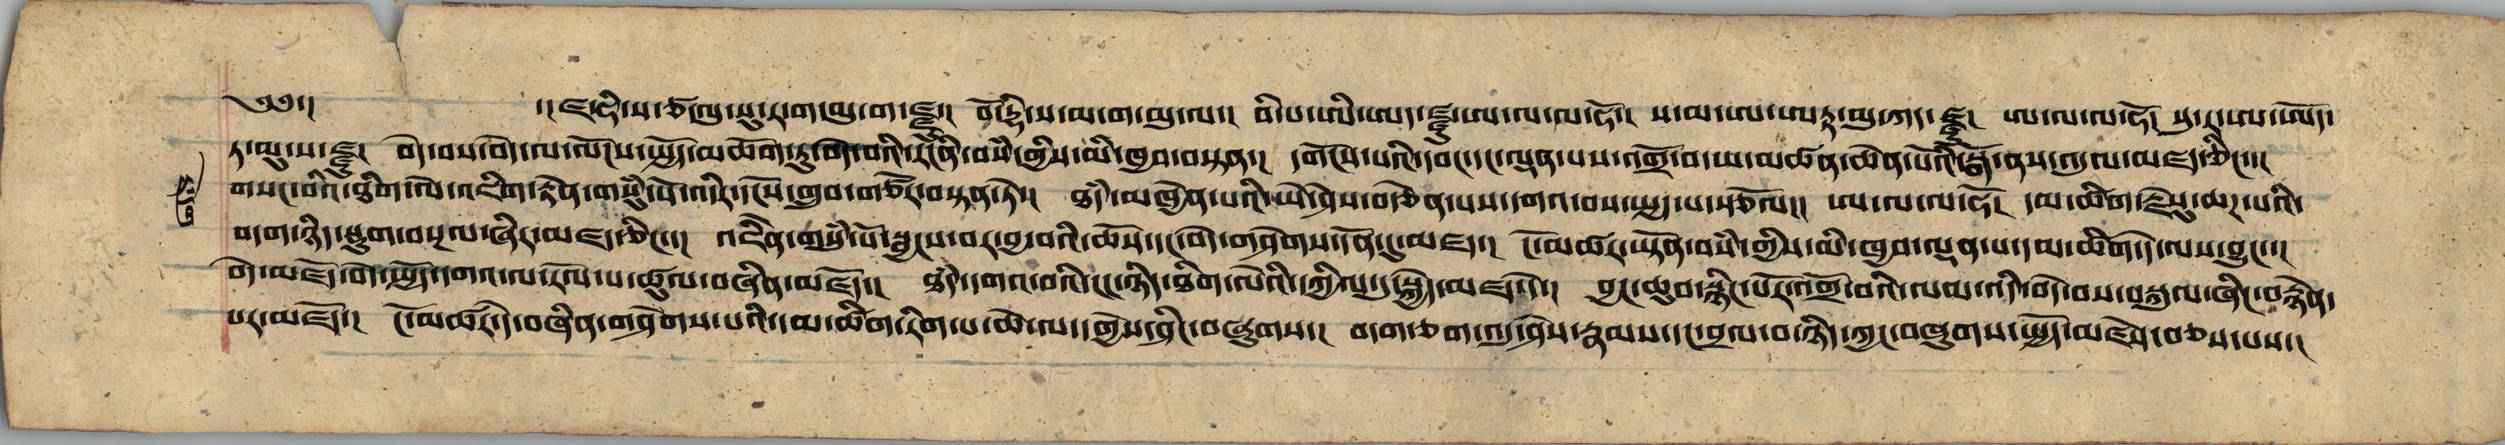༄༅་། ་།ཛ་ཧི་ས་ཙ་ལུ་སུ་ར་ག་མུ་ག་ཛྫ་། བོ་དྷི་ས་མ་ག་མུ་ལ་། བི་པ་ཨི་ཨད་ཛྫ་ཨ་ལ་ལ་ཧོ་། ས་མ་ཨ་ཨཏྟ་མུ་ཀར་ཛྫ། ཨ་ལལ་ཧོ། སུ་ར་ཨ་ཨོད་
ཏ་མུ་ས་ཛྫུ། བདེ་བས་བདེ་ལ་ལོངས་སྤྱོད་མཆོག་ཏུ་བདེ་བའི་རངནི་བསཾ་གྱིས་མི་ཁྱབ་བསྟན་། དགོངས་པའི་དབང་དང་ལྡན་པས་འགྲོ་བ་ཡ་མཚན་ཆེན་པོའི་སྒོ་ནས་འདུལ་མཛད་ཅིང་་།
གསང་བའི་ཐིག་ལེ་འཇིག་རྟེན་གསུཾ་པོ་འདིར་དངོས་གྲུབ་གཙོར་བསྟན་ཏེ་། ཐདཾ་མཁྱེན་པའི་ཡེ་ཤེས་བརྩེན་པས་དགའ་བས་སྤྱད་པ་སྩོལ།། ཨ་ལ་ལ་ལ་ཧོ། དམ་ཚིག་རྗེསུ་ཆཌ་པའི་
བདག་ཉིད་སྡུག་བསྔལ་ཞིར་མཛད་ཅིང་་། འཇིེན་གསུཾ་པོ་སྦྱངས་བར་བྱ་བའི་ཆོས་དང་བདེ་གཤེགས་དོན་དུ་མཛད་། ངོ་མཚར་ཡྟོན་བསཾ་གྱིས་མི་ཁྱབ་ལྡན་པ་དམ་ཚིག་དེ་ལས་བྱུང་་།
བདེ་མཛོད་བདེ་སྤྱོད་དགའ་ལ་རོལ་པ་ཚུལ་བཞིན་མཛོད་། ཐཾད་དགའ་བའི་ངང་ཉིད་ཐིག་ལེའི་དཀྱིལ་དུ་སྐྱེད་མཛད་དེ་། བྱང་ཆུབ་སྙིང་པོར་འགྲོ་བའི་ལམ་འདི་བདེ་བས་བསྐུལ་ཞིང་བརྙེན་
པར་མཛོད་། ངོ་མཚར་དེ་བཞིན་གཤེགས་པའི་དམ་ཚིག་རིག་པ་ཆེ་ལ་དགྱེས་ཤིང་བཞུགས་། བདག་ཅག་འདུ་ཤེས་རྣམས་དང་བྲལ་བ་ཉིད་ཀྱང་བཞུགས་སྤྱོད་མཛེས་བཅས་པས་།